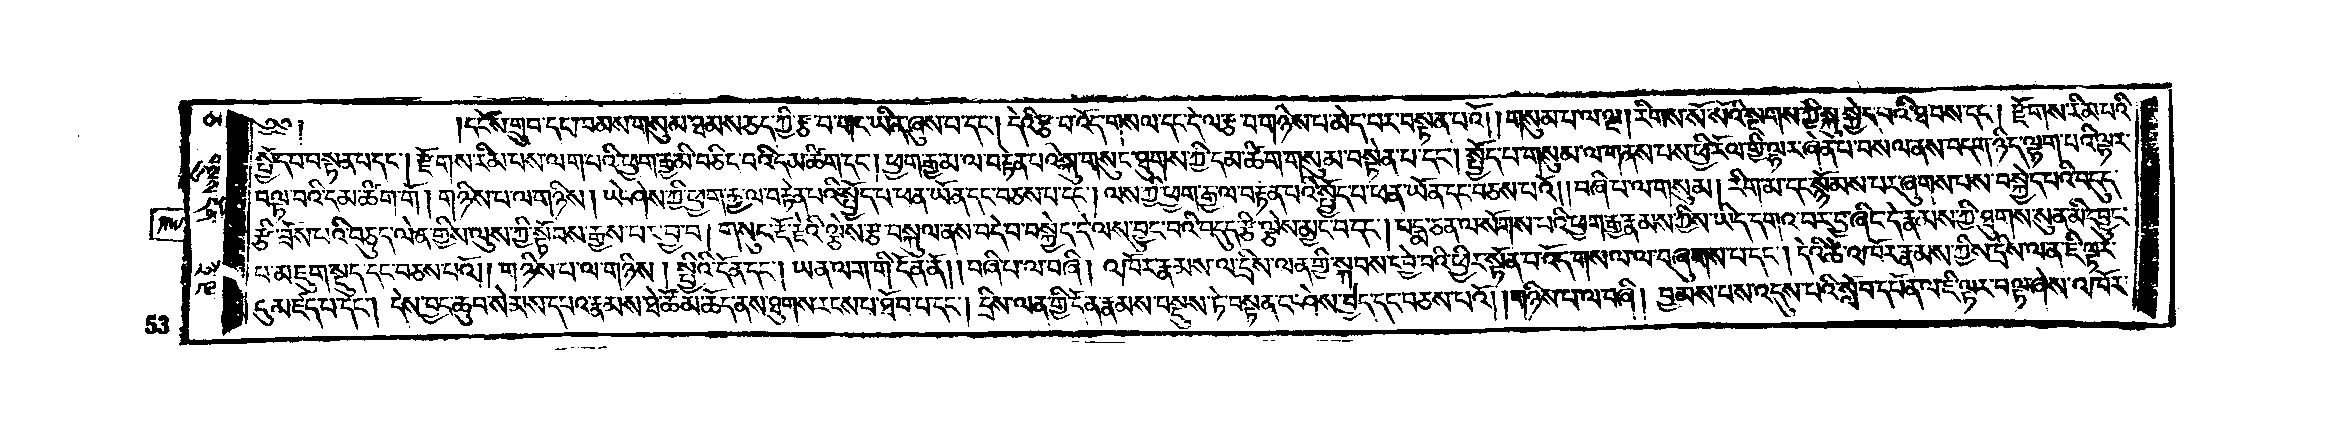༄༅། །དངོས་གྲུབ་དང་ཁམས་གསུམ་ཐམས་ཅད་ཀྱི་རྩ་བ་གང་ཡིན་ཞུས་པ་དང་། དེའི་རྩ་བ་འོད་གསལ་དང་དེ་ལ་རྩ་བ་གཉིས་པ་མེད་པར་བསྟན་པའོ། །གསུམ་པ་ལ་ལྔ། རིགས་སོ་སོའི་སྔགས་ཀྱི་སྐུ་སྐྱེད་པའི་ཐབས་དང་། རྫོགས་རིམ་པའི་
སྤྱོད་པ་བསྟན་པ་དང་། རྫོགས་རིམ་པས་ལག་པའི་ཕྱག་རྒྱ་མི་བཅིང་བའི་དམ་ཚིག་དང་། ཕྱག་རྒྱ་མ་ལ་བརྟེན་པའི་སྐུ་གསུང་ཐུགས་ཀྱི་དམ་ཚིག་གསུམ་བསྟེན་པ་དང་། སྤྱོད་པ་གསུམ་ལ་གནས་པས་ཕྱི་རོལ་གྱི་ལྷར་ཞེན་པ་བསལ་ནས་བདག་ཉིད་ལྷག་པའི་ལྷར་
བལྟ་བའི་དམ་ཚིག་གོ །གཉིས་པ་ལ་གཉིས། ཡེ་ཤེས་ཀྱི་ཕྱག་རྒྱ་ལ་བརྟེན་པའི་སྤྱོད་པ་ཕན་ཡོན་དང་བཅས་པ་དང་། ལས་ཀྱི་ཕྱག་རྒྱ་ལ་བརྟེན་པའི་སྤྱོད་པ་ཕན་ཡོན་དང་བཅས་པའོ། །བཞི་པ་ལ་གསུམ། རིག་མ་དང་སྙོམས་པར་ཞུགས་པས་བསྐྱེད་པའི་བདུད་
རྩི་ཟོས་པའི་བཅུད་ལེན་གྱིས་ལུས་ཀྱི་སྟོབས་རྒྱས་པར་བྱ་བ། གསུང་རྡོ་རྗེའི་ལྕེས་རྩ་བསྐུལ་ནས་བདེ་བ་བསྐྱེད་དེ་ལས་བྱུང་བའི་བདུད་རྩི་ལྕེས་མྱང་བ་དང་། པདམ་ཅན་ལ་སོགས་པའི་ཕྱག་རྒྱ་རྣམས་ཀྱིས་ཡིད་དགའ་བར་བྱ་ཞིང་དེ་རྣམས་ཀྱི་ཐུགས་སུན་མི་དབྱུང་
པ་མཇུག་སྡུད་དང་བཅས་པའོ། །གཉིས་པ་ལ་གཉིས། སྤྱིའི་དོན་དང་། ཡན་ལག་གི་དོན་ནོ། །བཞི་པ་ལ་བཞི། འཁོར་རྣམས་ལ་དྲིས་ལན་གྱི་སྐབས་དབྱེ་བའི་ཕྱིར་སྟོན་པ་འོད་གསལ་ལ་བཞུགས་པ་དང་། དེའི་ཚེ་འཁོར་རྣམས་ཀྱིས་དྲིས་ལན་ཇི་ལྟར་
དུ་མཛད་པ་དང་། དེས་བྱང་ཆུབ་སེམས་དཔའ་རྣམས་ཐེ་ཚོམ་ཆོད་ནས་ཐུགས་རངས་པ་ཐོབ་པ་དང་། དྲིས་ལན་གྱི་དོན་རྣམས་བསྡུས་ཏེ་བསྟན་པ་ཤེས་བྱེད་དང་བཅས་པའོ། །གཉིས་པ་ལ་བཞི། བྱམས་པས་འདུས་པའི་སློབ་དཔོན་ལ་ཇི་ལྟར་བལྟ་ཞེས་འཁོར་